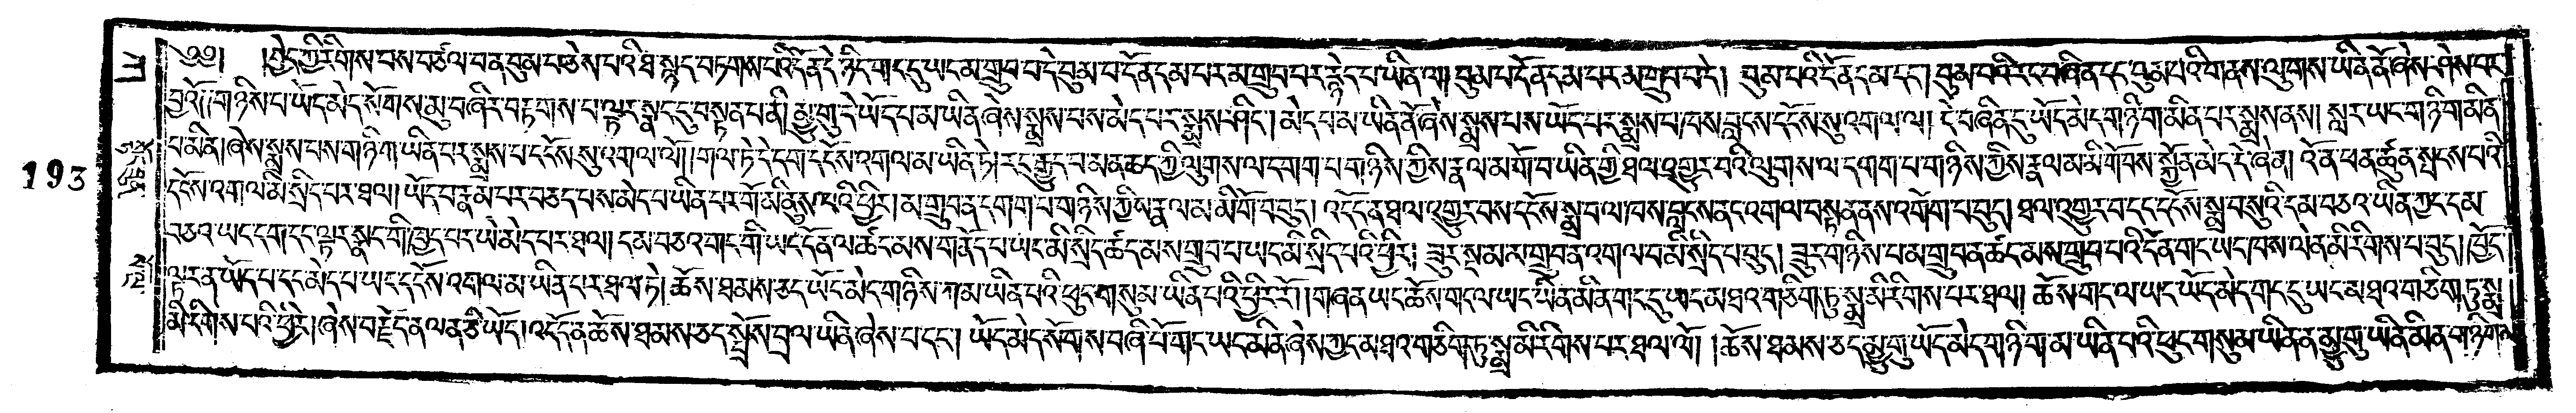༄༅། །བྱེད་ཀྱི་རིགས་བས་བཙལ་བ་ན་བུམ་པ་ཅེས་པའི་ཐ་སྙད་བཏགས་པའི་དོན་དེ་ཉིད་གང་དུ་ཡང་མ་གྲུབ་བ་དེ་བུམ་པ་དོན་དམ་པར་མ་གྲུབ་པར་རྙེད་པ་ཡིན་ལ། བུམ་པ་དོན་དམ་པར་མ་གྲུབ་བ་དེ། བུམ་པའི་དོན་དམ་དང་། བུམ་པའི་རང་བཞིན་དང་བུམ་པའི་གནས་ལུགས་ཡིན་ནོ་ཞེས་ཤེས་པར་
བྱའོ༑ ༑གཉིས་པ་ཡོད་མེད་སོགས་མུ་བཞིར་བརྟགས་པ་ལྟར་སྣང་དུ་བསྟན་པ་ནི། མྱུ་གུ་དེ་ཡོད་པ་མ་ཡིན་ཞེས་སྨྲས་པས་མེད་པར་སྨྲས་ཤིང་། མེད་པ་མ་ཡིན་ནོ་ཞེས་སྨྲས་པས་ཡོད་པར་སྨྲས་བ་ཁས་བླངས་དངོས་སུ་འགལ་ལ། དེ་བཞིན་དུ་ཡོད་མེད་གཉི་ག་མིན་པར་སྨྲས་ནས། སླར་ཡང་གཉི་ག་མིན་
པ་མིན། ཞེས་སྨྲས་པས་གཉི་ག་ཡིན་པར་སྨྲས་པ་དངོས་སུ་འགལ་ལོ། །གལ་ཏེ་དེ་དག་དངོས་འགལ་མ་ཡིན་ཏེ། རང་རྒྱུད་བ་མན་ཆད་ཀྱི་ལུགས་ལ་དགག་པ་གཉིས་ཀྱིས་རྣལ་མགོ་བ་ཡིན་གྱི་ཐལ་འགྱུར་བའི་ལུགས་ལ་དགག་པ་གཉིས་ཀྱིས་རྣལ་མ་མི་གོ་བས་སྐྱོན་མེད་དེ་ཞེ་ན། འོ་ན་ཕན་ཚུན་སྤངས་པའི་
དངོས་འགལ་མི་སྲིད་པར་ཐལ། ཡོད་པ་རྣམ་པར་བཅད་པས་མེད་པ་ཡིན་པར་གོ་མི་ནུས་པའི་ཕྱིར། མ་གྲུབ་ན་དགག་པ་གཉིས་ཀྱིས་རྣལ་མ་མི་གོ་བ་བུད། འདོད་ན་ཐལ་འགྱུར་བས་དངོས་སྨྲ་བ་ལ་ཁས་བླངས་ནང་འགལ་བསྟན་ནས་འགོག་པ་བུད། ཐལ་འགྱུར་བ་དང་དངོས་སྨྲ་བ་སུའི་དམ་བཅའ་ཡིན་ཀྱང་དམ་
བཅའ་ཡང་དག་དང་ལྟར་སྣང་གི་ཁྱད་པར་ཡེ་མེད་པར་ཐལ། དམ་བཅའ་གང་གི་ཡང་དོན་ལ་ཚད་མས་གནོད་པ་ཡང་མི་སྲིད་ཚད་མས་གྲུབ་པ་ཡང་མི་སྲིད་པའི་ཕྱིར། ཟུར་སྔ་མ་མ་གྲུབ་ན་འགལ་བ་མི་སྲིད་པ་བུད། ཟུར་གཉིས་པ་མ་གྲུབ་ན་ཚད་མས་གྲུབ་པའི་དོན་གང་ཡང་ཁས་ལེན་མི་རིགས་པ་བུད། ཁྱོད་
ལྟར་ན་ཡོད་པ་དང་མེད་པ་ཡང་དངོས་འགལ་མ་ཡིན་པར་ཐལ་ཏེ། ཆོས་ཐམས་ཅད་ཡོད་མེད་གཉིས་ཀ་མ་ཡིན་པའི་ཕུང་གསུམ་ཡིན་པའི་ཕྱིར་རོ། །གཞན་ཡང་ཆོས་གང་ལ་ཡང་ཡིན་མིན་གང་དུ་ཡང་མཐའ་གཅིག་ཏུ་སྨྲ་མི་རིགས་པར་ཐལ། ཆོས་གང་ལ་ཡང་ཡོད་མེད་གང་དུ་ཡང་མཐའ་གཅིག་ཏུ་སྨྲ་
མི་རིགས་པའི་ཕྱིར། ཞེས་བརྗོད་ན་ལན་ཅི་ཡོད། འདོད་ན་ཆོས་ཐམས་ཅད་སྤྲོས་བྲལ་ཡིན་ཞེས་པ་དང་། ཡོད་མེད་སོགས་བཞི་པོ་གང་ཡང་མིན་ཞེས་ཀྱང་མཐའ་གཅིག་ཏུ་སྨྲ་མི་རིགས་པར་ཐལ་ལོ། །ཆོས་ཐམས་ཅད་མྱུ་གུ་ཡོད་མེད་གཉི་ག་མ་ཡིན་པའི་ཕུང་གསུམ་ཡིན་ན་མྱུ་གུ་ཡིན་མིན་གཉི་ག་མ་